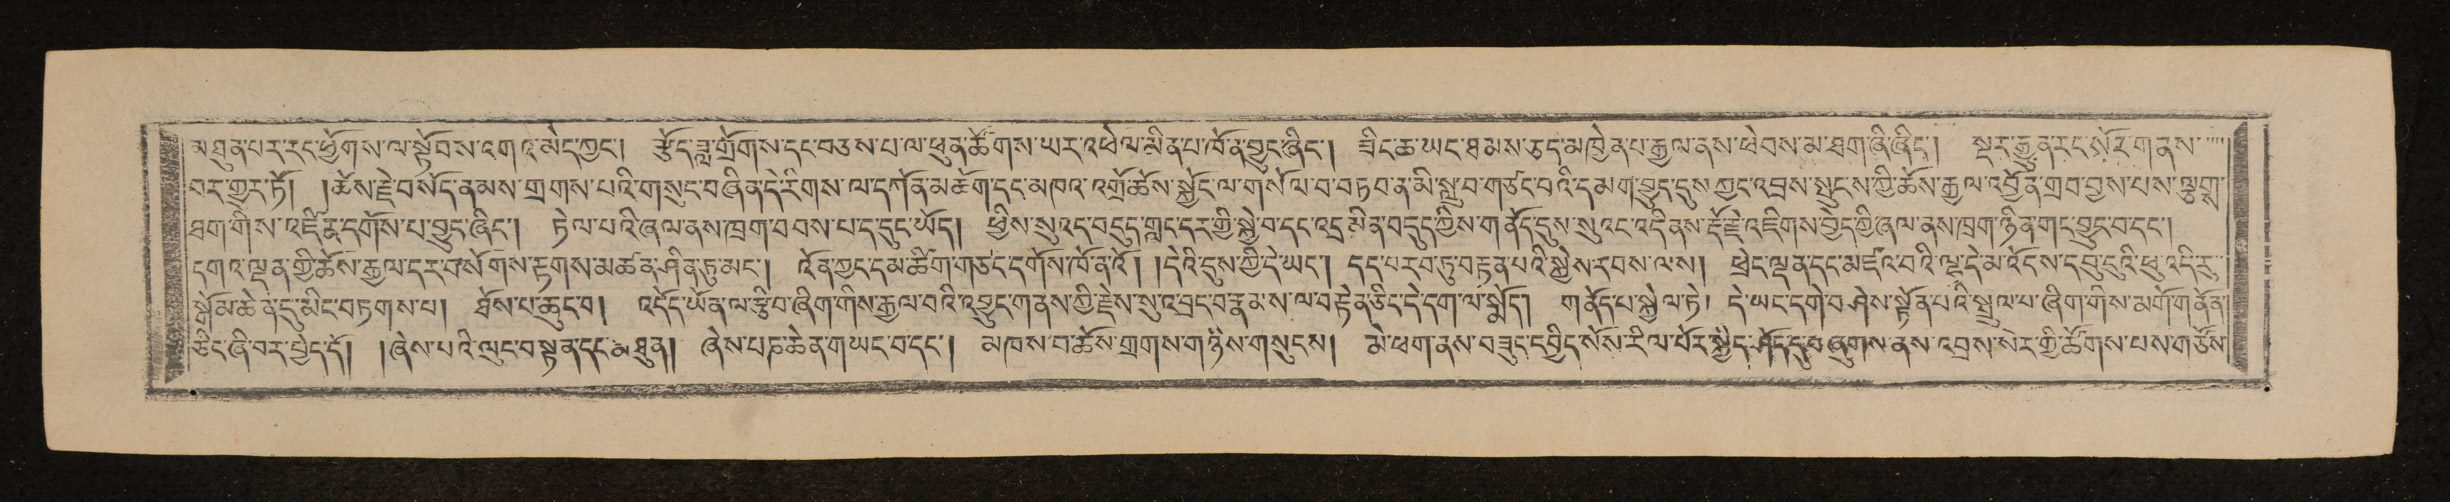མཐུན་པར་རང་ཕྱོགས་ལ་སྟོབས་འགའ་མེད་ཀྱང་། རྩོད་ཟླ་གྲོགས་དང་བཅས་པ་ལ་ཕུན་ཚོགས་ཡར་འཕེལ་མིན་པ་ཁོ་ན་བྱུང་ཞིང་། ཟིང་ཆ་ཡང་ཐམས་ཅད་མཁྱེན་པ་རྒྱལ་ནས་ཕེབས་མ་ཐག་ཞི་ཞིང་། སྔར་རྒྱུན་རང་སོར་གནས་
པར་གྱུར་ཏོ། །ཆོས་རྗེ་བསོད་ནམས་གྲགས་པའི་གསུང་བཞིན་དེ་རིགས་ལ་དཀོན་མཆོག་དང་མཁའ་འགྲོ་ཆོས་སྐྱོང་ལ་གསོལ་བ་བཏབ་ན་མི་སླུ་བ་གཙང་བའི་དམག་བྱུང་དུས་ཀྱང་འབྲས་སྤུངས་ཀྱི་ཆོས་རྒྱལ་འབྱོན་གྲབ་བྱས་པས་ལྕགས་
ཐག་གིས་འཛིན་དགོས་པ་བྱུང་ཞིང་། ཏེལ་པའི་ཞལ་ནས་ཁྲག་བབས་པ་ད་དུང་ཡོད། ཕྱིས་སུའང་བདུད་གླང་དར་གྱི་སྐྱེ་བ་དང་འདྲ་མིན་བདུད་ཀྱིས་གནོད་དུས་སུའང་འདི་ནས་རྡོ་རྗེ་འཇིགས་བྱེད་ཀྱི་ཞལ་ནས་ཁྲག་ཉིན་གང་བྱུང་བ་དང་།
དགའ་ལྡན་གྱི་ཆོས་རྒྱལ་དར་བ་སོགས་རྟགས་མཚན་ཤིན་ཏུ་མང་། འོན་ཀྱང་དམ་ཚིག་གཙང་དགོས་ཁོ་ནའོ། །དེའི་དུས་ཀྱི་དེ་ཡང་། དད་པ་རབ་ཏུ་བརྟན་པའི་སྐྱེས་རབས་ལས། ཕྲེང་ལྡན་དང་མཛའ་བའི་ལྷ་དེ་མ་འོངས་དབུ་རུའི་ཕུ་འདི་རུ་
སྒོམ་ཆེན་དུ་མིང་བཏགས་པ། ཐོས་པ་ཆུང་བ། འདོད་ཡོན་ལ་རྩིང་ཞིག་གིས་རྒྱལ་བའི་འབྱུང་གནས་ཀྱི་རྗེས་སུ་འབྲང་བ་རྣམས་ལ་བརྟེན་ཅིང་དེ་དག་ལ་སྨོད། གནོད་པ་སྐྱེལ་ཏེ། དེ་ཡང་དགེ་བཤེས་སྟོན་པའི་སྤྲུལ་པ་ཞིག་གིས་མགོ་གནོན་
ཅིང་ཞི་བར་བྱེད་དོ། །ཞེས་པའི་ལུང་བསྟན་དང་མཐུན། ཞེས་པཎ་ཆེན་གཡང་བ་དང་། མཁས་པ་ཆོས་གྲགས་གཉིས་གསུངས། མེ་ཕག་ནས་བཟུང་དབྱིད་སོས་རིལ་པོར་སྐྱིད་ཤོད་དུ་བཞུགས་ནས་འབྲས་སེར་གྱི་ཚོགས་པས་གཙོས་